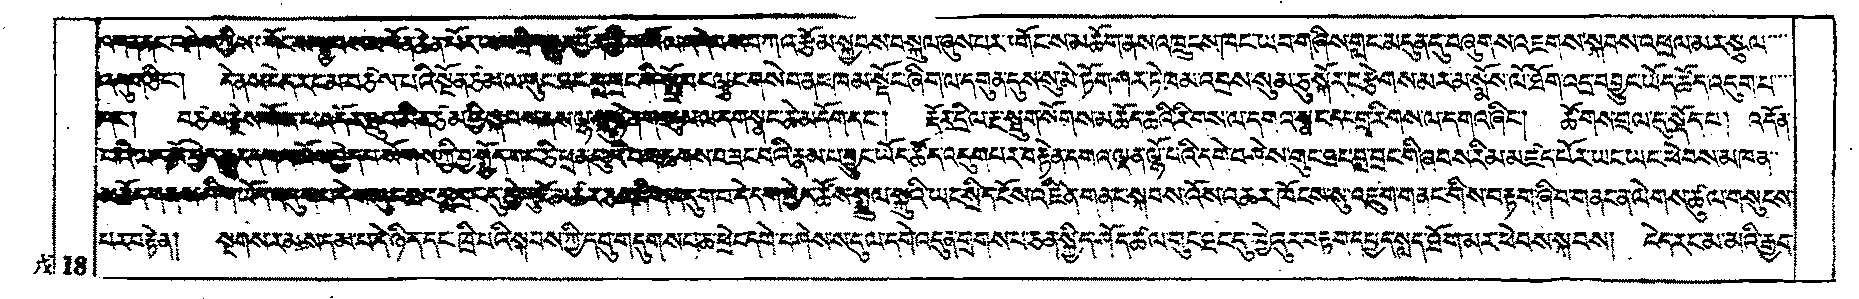འགན་རྐང་བཞེས་ཀྱིས་༧གོངས་སྐྱབས་མགོན་ཆེན་པོར་ཡང་སྲིད་མྱུར་བྱོན་གྱི་གསོལ་འདེབས་བཀའ་རྩོམ་སྐྱབས་བསྐུལ་ཞུས་པར་༧གོང་ས་མཆོག་ནས་འཁྲུངས་ཁང་ཡབ་གཞིས་གླང་མདུན་དུ་བཞུགས་འཇགས་སྐབས་འཕྲལ་མར་སྩལ་
འདུག་ཅིང་། དེ་ནས་ངེད་རང་མ་བཙས་པའི་སྔོན་ཙམ་ལ་གུང་ཐང་བླ་བྲང་གི་སྤྲོ་ཁང་ལྕང་གསེབ་ནང་ཁམ་སྡོང་ཞིག་ལ་དགུན་དུས་སུ་མེ་ཏོག་ཤར་ཏེ་ཁམ་འབྲས་སུམ་ཅུ་སྐོར་བརྩེགས་མར་མ་སྨོས་ལོ་ཐོག་འདྲ་བ་བྱུང་ཡོད་ཚོད་འདུག་པ་
དང་། བཙས་རྗེས་གོམ་པ་འདོར་ཐུབ་མིན་ཙམ་གྱི་སྐབས་ནས་ལྷ་སྐུ་རྟེན་གསུམ་ལ་དག་སྣང་ཆེ་མདོག་དང་། རྡོར་དྲིལ་རྔ་སྦུག་སོགས་མཆོད་ཆའི་རིགས་ལ་དགའ་སྣང་དང་གྲྭ་རིགས་ལ་དགའ་ཞིང་། ཚོགས་གྲལ་དུ་སྡོད་པ། འདོན་
པའི་ལད་མོ་བྱེད་རྒྱུར་དགའ་མོས་བྱེད་པ་སོགས་ཀྱི་བྱ་སྤྱོད་གང་ཅི་ཕྲན་བུའི་བདག་ཆགས་བཟང་པའི་རྣམ་པ་བྱུང་ཡོད་ཚོད་འདུག་པར་བརྟེན་དགའ་ལྡན་ལྷོ་པའི་དགེ་བཤེས་གུང་ཐང་བླ་བྲང་གི་ཞབས་རིམ་མཛད་པོར་ཡང་ཡང་ཕེབས་མཁན་
མཆོད་གནས་ཤིག་ཡོད་འདུག་པ་དེས་གུང་ཐང་བླ་བྲང་དུ་ཁྱེའུ་ངོ་མཚར་ཅན་ཞིག་འདུག་པ་དེ་དག་ཁྱེད་ཚོས་སྤྲུལ་སྐུའི་ཡང་སྲིད་ངོས་འཛིན་གནང་སྐབས་འོས་འཆར་ཁོངས་སུ་འཇུག་གནང་གིས་བརྟག་ཞིབ་གནང་ན་ལེགས་ཚུལ་གསུངས་
པར་བརྟེན། སྔགས་རམས་དམ་པ་དེ་ཉིད་དང་ཁྲི་པའི་སྐབས་ཀྱི་དབུ་གདུགས་པ་ཆ་ཕྲེང་དགེ་བཤེས་ས་དུལ་དགེ་འདུན་གྲགས་པ་ཅན་སྐྱིད་ཤོད་ཚལ་གུང་ཐང་དུ་ཁྱེའུར་བརྟག་དཔྱད་སླད་ཐོག་མར་ཕེབས་སྐབས། ངེད་རང་མ་མའི་རྒྱབ་